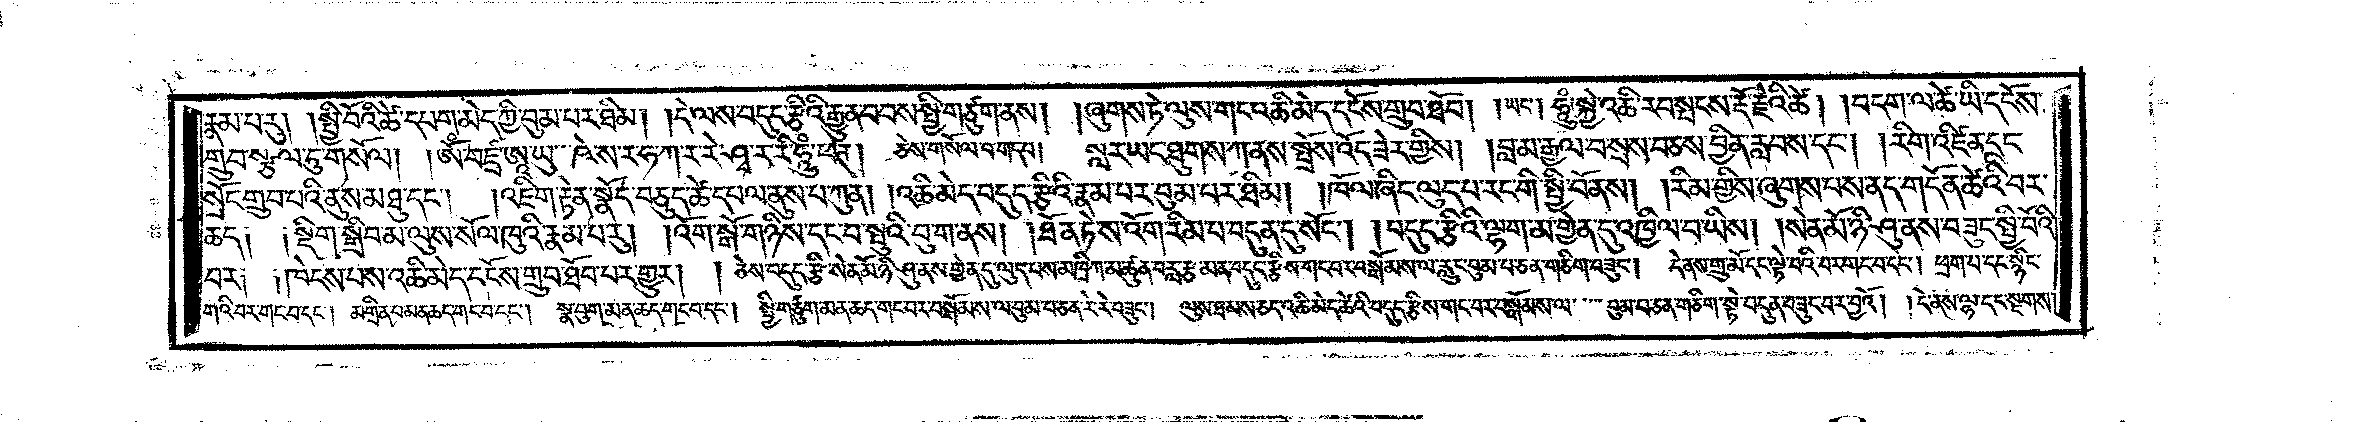རྣམ་པ་རུ། །སྤྱི་བོའི་ཚེ་དཔག་མེད་ཀྱི་བུམ་པར་ཐིམ། །དེ་ལས་བདུད་རྩིའི་རྒྱུན་བབས་སྤྱི་གཙུག་ནས། །ཞུགས་ཏེ་ལུས་གང་འཆི་མེད་དངོས་གྲུབ་ཐོབ། །ཡང་།  ཧཱུཾ་སྐྱེ་འཆི་རབ་སྤངས་རྡོ་རྗེའི་ཚེ། །བདག་ལ་ཚེ་ཡི་དངོས་
གྲུབ་སྩལ་ཏུ་གསོལ། །ཨོཾ་བཛྲ་ཨཱ་ཡུ་ཥེས་ར་ཧ་ཀ་ར་རེ་ཤྭ་ར་རི་ཧཱུཾ་ཕཊ། ཅེས་གསོལ་བ་གདབ།  སླར་ཡང་ཐུགས་ཀ་ནས་སྤྲོས་འོད་ཟེར་གྱིས། །བླ་མ་རྒྱལ་བ་སྲས་བཅས་བྱིན་རླབས་དང་། །རིག་འཛིན་དང་
སྲོང་གྲུབ་པའི་ནུས་མཐུ་དང་། །འཇིག་རྟེན་སྣོད་བཅུད་ཚེ་དཔལ་ནུས་པ་ཀུན། །འཆི་མེད་བདུད་རྩིའི་རྣམ་པར་བུམ་པར་ཐིམ། །ཁོལ་ཞིང་ལུད་པ་རང་གི་སྤྱི་བོ་ནས། །རིམ་གྱིས་ཞུགས་པས་ནད་གདོན་ཚེའི་བར་
ཆད༑ ༑སྡིག་སྒྲིབ་མ་ལུས་སོལ་ཁུའི་རྣམ་པ་རུ། །འོག་སྒོ་གཉིས་དང་བ་སྤུའི་བུ་ག་ནས། །ཐོན་ཏེ་ས་འོག་རིམ་པ་བདུན་དུ་སོང་། །བདུད་རྩིའི་ལྷག་མ་གྱེན་དུ་འཁྱིལ་བ་ཡིས། །སེན་མོ་ཉི་ཤུ་ནས་བཟུང་སྤྱི་བོའི་
བར༑ ༑ཁེངས་པས་འཆི་མེད་དངོས་གྲུབ་ཐོབ་པར་གྱུར། །ཅེས་བདུད་རྩི་སེན་མོ་ཉི་ཤུ་ནས་གྱེན་དུ་ལུད་པས་མཁྲི་ཀ་མ་ཚུན་བརླ་རྩ་མན་བདུད་རྩིས་གང་བར་བསྒོམས་ལ་རླུང་བུམ་པ་ཅན་གཅིག་བཟུང་། དེ་ནས་གྲུ་མོ་དང་ལྟེ་བའི་བར་གང་བ་དང་། ཕྲག་པ་དང་སྙིང་
གའི་བར་གང་བ་དང་། མགྲིན་པ་མན་ཆད་གང་བ་དང་། སྣ་བུག་མན་ཆད་གང་བ་དང་། སྤྱི་གཙུག་མན་ཆད་གང་བར་བསྒོམས་ལ་བུམ་པ་ཅན་རེ་རེ་བཟུང་། ལུས་ཐམས་ཅད་འཆི་མེད་ཚེའི་བདུད་རྩིས་གང་བར་བསྒོམས་ལ་བུམ་པ་ཅན་གཅིག་སྟེ་བདུན་བཟུང་བར་བྱའོ། །དེ་ནས་ལྷ་དང་སྔགས་